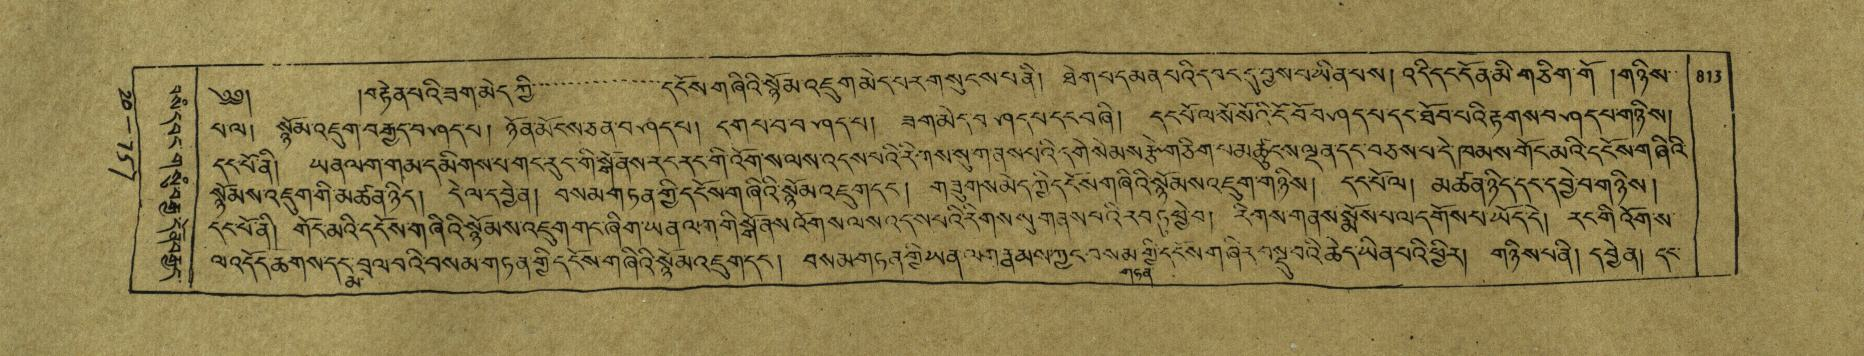༄༅། །བརྟེན་པའི་ཟག་མེད་ཀྱི་དངོས་གཞིའི་སྙོམ་འཇུག་མེད་པར་གསུངས་པ་ནི། ཐེག་པ་དམན་པའི་དབང་དུ་བྱས་པ་ཡིན་པས། འདི་དང་དོན་མི་གཅིག་གོ །གཉིས་
པ་ལ། སྙོམ་འཇུག་བརྒྱད་བཤད་པ། ཉོན་མོངས་ཅན་བཤད་པ། དག་པ་བ་བཤད་པ། ཟག་མེད་བཤད་པ་དང་བཞི། དང་པོ་ལ་སོ་སོའི་ངོ་བོ་བཤད་པ་དང་ཐོབ་པའི་རྟགས་བཤད་པ་གཉིས།
དང་པོ་ནི། ཡན་ལག་གམ་དམིགས་པ་གང་རུང་གི་སྒོ་ནས་རང་རང་གི་འོག་ས་ལས་འདས་པའི་རིགས་སུ་གནས་པའི་དགེ་སེམས་རྩེ་གཅིག་པ་མཚུངས་ལྡན་དང་བཅས་པ་དེ་ཁམས་གོང་མའི་དངོས་གཞིའི་
སྙོམས་འཇུག་གི་མཚན་ཉིད། དེ་ལ་དབྱེ་ན། བསམ་གཏན་གྱི་དངོས་གཞིའི་སྙོམ་འཇུག་དང་། གཟུགས་མེད་ཀྱི་དངོས་གཞིའི་སྙོམས་འཇུག་གཉིས། དང་པོ་ལ། མཚན་ཉིད་དང་དབྱེ་བ་གཉིས།
དང་པོ་ནི། གོང་མའི་དངོས་གཞིའི་སྙོམས་འཇུག་གང་ཞིག་ཡན་ལག་གི་སྒོ་ནས་འོག་ས་ལས་འདས་པའི་རིགས་སུ་གནས་པའི་རབ་ཏུ་ཕྱེ་བ། རིགས་གནས་སྨོས་པ་ལ་དགོས་པ་ཡོད་དེ། རང་གི་འོག་ས་
ལ་འདོད་ཆགས་དང་མ་བྲལ་བའི་བསམ་གཏན་གྱི་དངོས་གཞིའི་སྙོམ་འཇུག་དང་། བསམ་གཏན་གྱི་ཡན་ལག་རྣམས་ཀྱང་བསམ་གཏན་གྱི་དངོས་གཞིར་བསྡུ་བའི་ཆེད་ཡིན་པའི་ཕྱིར། གཉིས་པ་ནི། དབྱེ་ན། དང་